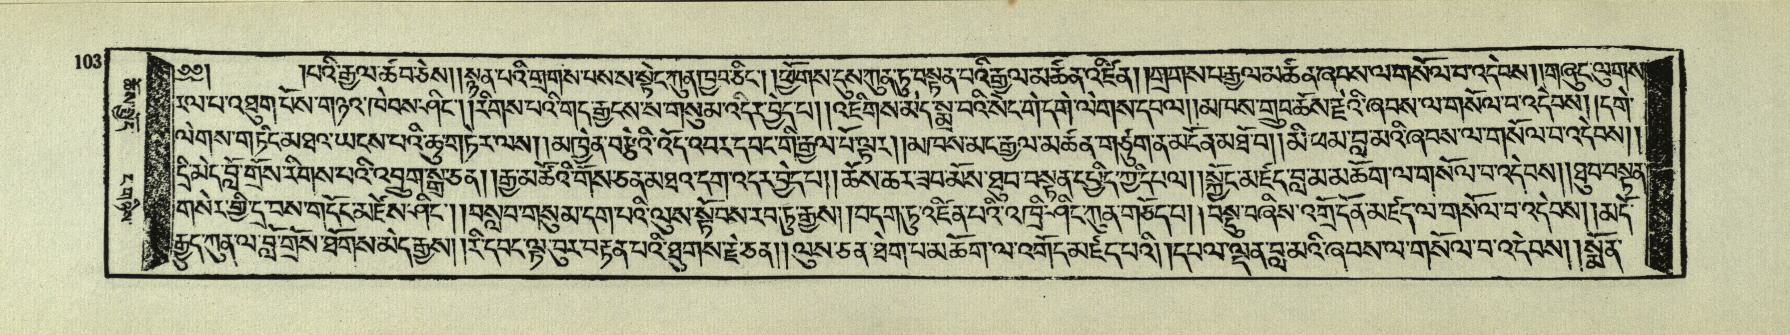༄༅། །པའི་རྒྱལ་ཚབ་ཅེས། །སྙན་པའི་གྲགས་པས་ས་སྟེང་ཀུན་ཁྱབ་ཅིང་། །ཕྱོགས་དུས་ཀུན་ཏུ་བསྟན་པའི་རྒྱལ་མཚན་འཛིན། །གྲགས་པ་རྒྱལ་མཚན་ཞབས་ལ་གསོལ་བ་འདེབས། །གཞུང་ལུགས་
རལ་པ་འཐུག་པོས་གཉའ་ཁེབས་ཤིང་། །རིགས་པའི་གད་རྒྱངས་ས་གསུམ་འདིར་བྱེད་པ། །འཇིགས་མེད་སྨྲ་བའི་སེང་གེ་དགེ་ལེགས་དཔལ། །མཁས་གྲུབ་ཆོས་རྗེའི་ཞབས་ལ་གསོལ་བ་འདེབས། །དགེ་
ལེགས་གཏིང་མཐའ་ཡངས་པའི་ཆུ་གཏེར་ལས། །མཁྱེན་བརྩེའི་འོད་འབར་དབང་གི་རྒྱལ་པོ་ལྟར། །མཁས་མང་རྒྱལ་མཚན་གཙུག་ན་མངོན་མཐོ་བ། །མི་ཕམ་བླ་མའི་ཞབས་ལ་གསོལ་བ་འདེབས། །
དྲི་མེད་བློ་གྲོས་རིགས་པའི་འབྲུག་སྒྲ་ཅན། །རྒྱ་མཚོའི་གོས་ཅན་མཐའ་དག་འདར་བྱེད་པ། །ཆོས་ཆར་ཟབ་མོས་ཐུབ་བསྟན་དཔྱིད་ཀྱི་དཔལ། །སྐྱོང་མཛད་བླ་མ་མཆོག་ལ་གསོལ་བ་འདེབས། །ཐུབ་བསྟན་
གསེར་གྱི་དྲ་བས་གདོང་མཛེས་ཤིང་། །བསླབ་གསུམ་དག་པའི་ལུས་སྟོབས་རབ་ཏུ་རྒྱས། །བདག་ཏུ་འཛིན་པའི་འཁྲི་ཤིང་ཀུན་གཅོད་པ། །བསྡུ་བཞིས་འགྲོ་དོན་མཛད་ལ་གསོལ་བ་འདེབས། །མདོ་
རྒྱུད་ཀུན་ལ་བློ་གྲོས་ཐོགས་མེད་རྒྱས། །རི་དབང་ལྟ་བུར་བརྟན་པའི་ཐུགས་རྗེ་ཅན། །ལུས་ཅན་ཐེག་པ་མཆོག་ལ་འགོད་མཛད་པའི། །དཔལ་ལྡན་བླ་མའི་ཞབས་ལ་གསོལ་བ་འདེབས། །སྨོན་